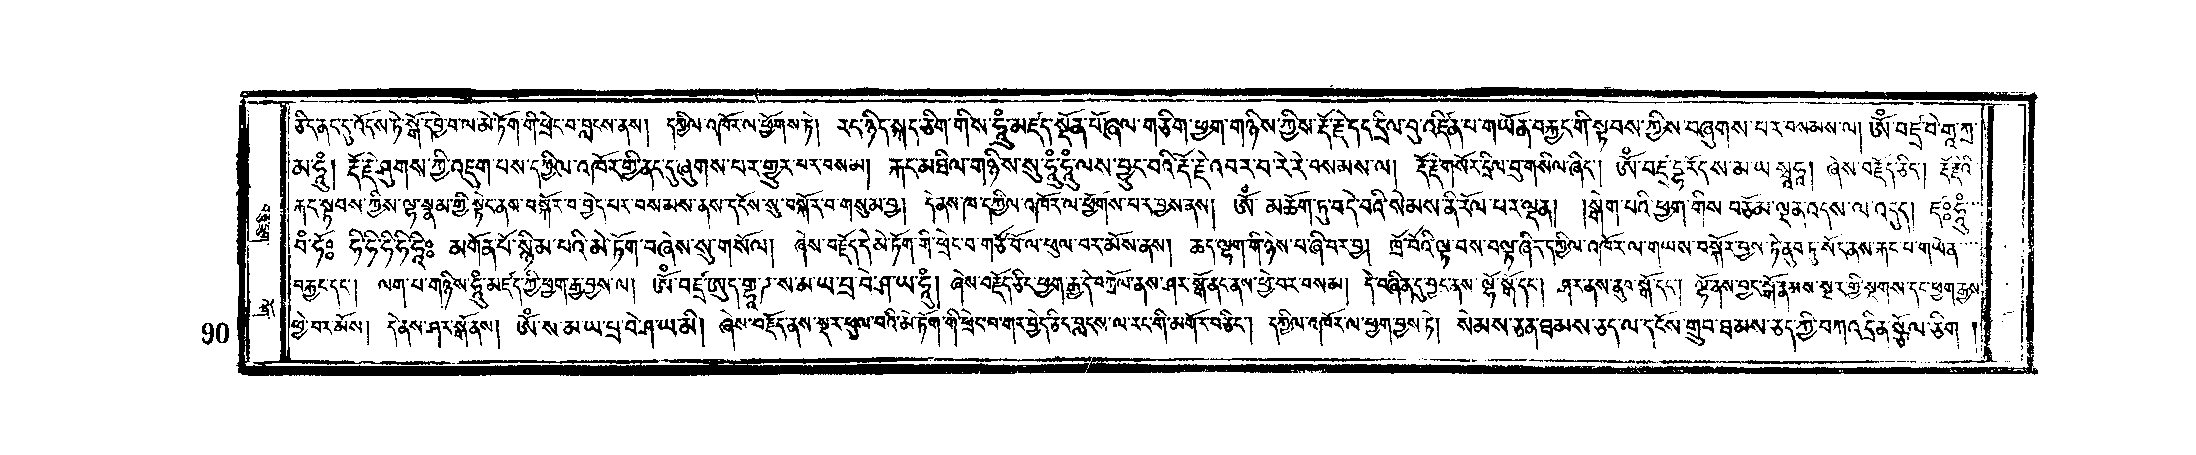ཅིང་ནང་དུ་འོངས་ཏེ་སྒོ་དབྱེ་བ་ལ་མེ་ཏོག་གི་ཕྲེང་བ་བླངས་ནས། དཀྱིལ་འཁོར་ལ་ཕྱོགས་ཏེ། རང་ཉིད་སྐད་ཅིག་གིས་ཧཱུཾ་མཛད་སྔོན་པོ་ཞལ་གཅིག་ཕྱག་གཉིས་ཀྱིས་རྡོ་རྗེ་དང་དྲིལ་བུ་འཛིན་པ་གཡོན་བརྐྱང་གི་སྟབས་ཀྱིས་བཞུགས་པར་བསམས་ལ། ཨོཾ་བཛྲ་བེ་གཱ་ཀྲ་
མ་ཧཱུཾ། རྡོ་རྗེ་ཤུགས་ཀྱི་འཇུག་པས་དཀྱིལ་འཁོར་གྱི་ནང་དུ་ཞུགས་པར་གྱུར་པར་བསམ། རྐང་མཐིལ་གཉིས་སུ་ཧཱུཾ་ཧཱུཾ་ལས་བྱུང་བའི་རྡོ་རྗེ་འབར་བ་རེ་རེ་བསམས་ལ། རྡོ་རྗེ་གསོར་དྲིལ་བུ་གསིལ་ཞིང་། ཨོཾ་བཛྲ་དྷ་རོད་ས་མ་ཡ་སྭཱཧཱ། ཞེས་བརྗོད་ཅིང་། རྡོ་རྗེའི་
རྐང་སྟབས་ཀྱིས་ལྷ་སྣམ་གྱི་སྟེང་ནས་བསྐོར་བ་བྱེད་པར་བསམས་ནས་དངོས་སུ་བསྐོར་བ་གསུམ་བྱ། དེ་ནས་ཁ་དཀྱིལ་འཁོར་ལ་ཕྱོགས་པར་བྱས་ནས། ཨོཾ་མཆོག་ཏུ་བདེ་བའི་སེམས་ནི་རོལ་པར་ལྡན། །སྒེག་པའི་ཕྱག་གིས་བཅོམ་ལྡན་འདས་ལ་འདུད། ཛཿ ཧཱུཾ་
བཾ་ཧོཿ ཧི་ཧི་ཧི་ཧི་ཧཱིཿ མགོན་པོ་སྙིམ་པའི་མེ་ཏོག་བཞེས་སུ་གསོལ། ཞེས་བརྗོད་དེ་མེ་ཏོག་གི་ཕྲེང་བ་གཙོ་བོ་ལ་ཕུལ་བར་མོས་ནས། ཆད་ལྷག་གི་ཉེས་པ་ཞི་བར་བྱ། ཁྲོ་བོའི་ལྟ་བས་བལྟ་ཞིང་དཀྱིལ་འཁོར་ལ་གཡས་བསྐོར་བྱས་ཏེ་ནུབ་ཏུ་སོང་ནས་རྐང་པ་གཡོན་
བརྐྱང་དང་། ལག་པ་གཉིས་ཧཱུཾ་མཛད་ཀྱི་ཕྱག་རྒྱ་བྱས་ལ། ཨོཾ་བཛྲ་ཨུད་གྷཱ་ཌ་ས་མ་ཡ་པྲ་བེ་ཤ་ཡ་ཧཱུཾ། ཞེས་བརྗོད་ཅིང་ཕྱག་རྒྱ་དེ་བཀྲོལ་ནས་ཤར་སྒོ་ནང་ནས་ཕྱེ་བར་བསམ། དེ་བཞིན་དུ་བྱང་ནས་ལྷོ་སྒོ་དང་། ཤར་ནས་ནུབ་སྒོ་དང་། ལྷོ་ནས་བྱང་སྒོ་རྣམས་སྔར་གྱི་སྔགས་དང་ཕྱག་རྒྱས་
ཕྱེ་བར་མོས། དེ་ནས་ཤར་སྒོ་ནས། ཨོཾ་ས་མ་ཡ་པྲ་བེ་ཤ་ཡ་མི། ཞེས་བརྗོད་ནས་སྡར་ཕུལ་བའི་མེ་ཏོག་གི་ཕྲེང་བ་གར་བྱེད་ཅིང་བླངས་ལ་རང་གི་མགོར་བཅིང་། དཀྱིལ་འཁོར་ལ་ཕྱག་བྱས་ཏེ། སེམས་ཅན་ཐམས་ཅད་ལ་དངོས་གྲུབ་ཐམས་ཅད་ཀྱི་བཀའ་དྲིན་སྩོལ་ཅིག །